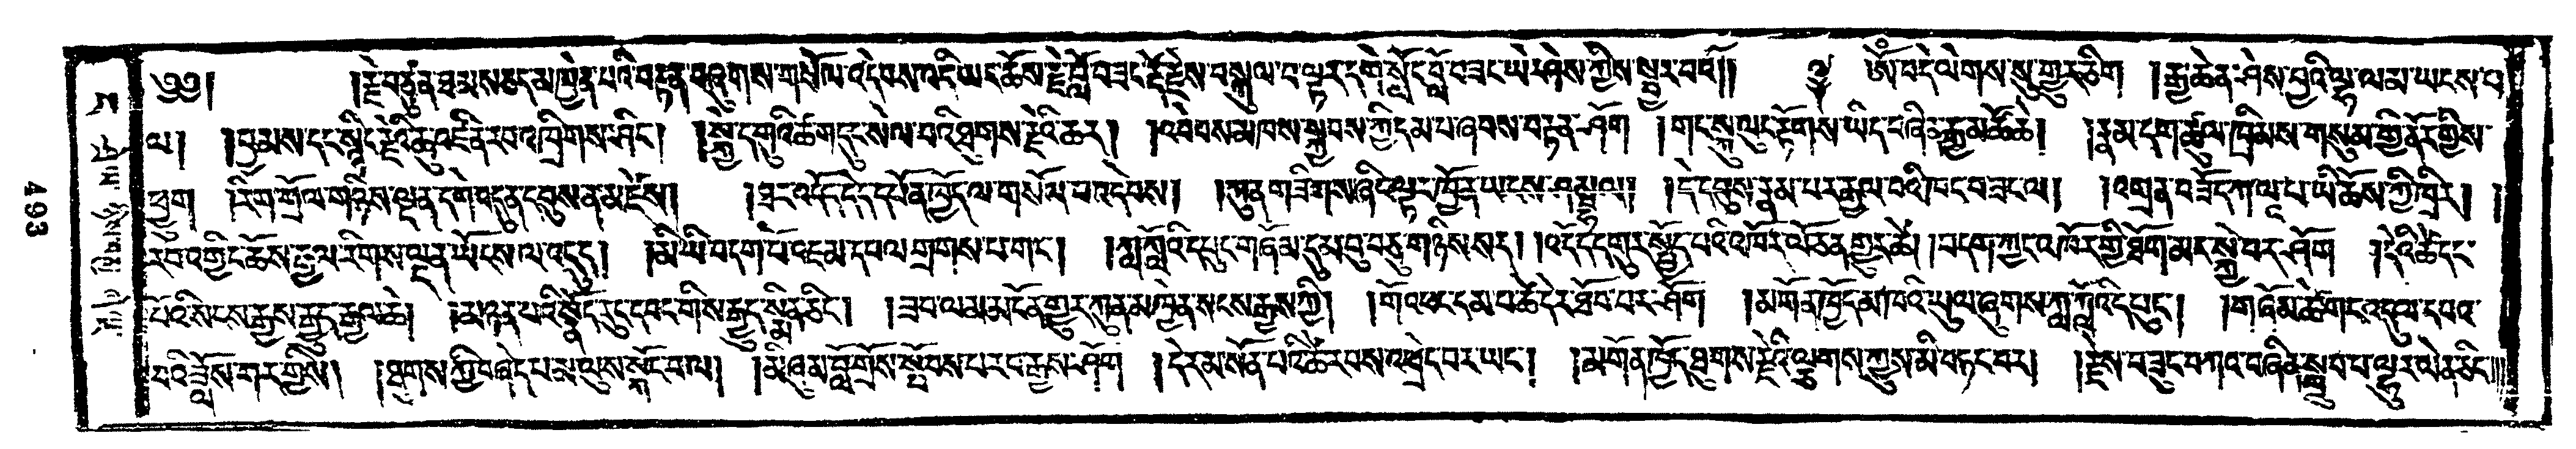༄༅། །རྗེ་བཙུན་ཐམས་ཅད་མཁྱེན་པའི་བརྟན་བཞུགས་གསོལ་འདེབས་འདི་ཡང་ཆོས་རྗེ་བློ་བཟང་རྡོ་རྗེས་བསྐུལ་བ་ལྟར་དགེ་སློང་བློ་བཟང་ཡེ་ཤེས་ཀྱིས་སྦྱར་བའོ།། ༈ ཨོཾ་བདེ་ལེགས་སུ་གྱུར་ཅིག །རྒྱ་ཆེན་ཤེས་བྱའི་ལྷ་ལམ་ཡངས་པ་
ལ། །བྱམས་དང་སྙིང་རྗེའི་ཆུ་འཛིན་རབ་འཁྲིགས་ཤིང་། །སྐྱེ་དགུའི་ཚ་གདུང་སེལ་བའི་ཐུགས་རྗེའི་ཆར། །འབེབས་མཁས་སྐྱབས་ཀྱི་དམ་པ་ཞབས་བརྟན་ཤོག །གང་སྐུ་ལུང་རྟོགས་ཡིད་བཞིན་རྒྱ་མཚོ་ཆེ། །རྣམ་དག་ཚུལ་ཁྲིམས་གསུམ་གྱི་ནོར་གྱིས་
ཕྱུག །རིག་གྲོལ་གཉིས་ལྡན་དགེ་འདུན་དབུས་ན་མཛེས། །ཐར་འདོད་དེད་དཔོན་ཁྱོད་ལ་གསོལ་བ་འདེབས། །ཀུན་གཟིགས་ཞིང་ལྟར་ཁྱོད་ཡངས་ཤམྦྷ་ལ། །དེ་དབུས་རྣམ་པར་རྒྱལ་བའི་ཁང་བཟང་ལ། །འགྲན་བཟོད་ཀ་ལཱ་པ་ཡི་ཆོས་ཀྱི་ཁྲིར། །
རབ་འགྱིང་ཆོས་རྒྱལ་རིགས་ལྡན་ཡོངས་ལ་འདུད། །མི་ཡི་བདག་པོ་འཇམ་དཔལ་གྲགས་པ་གང་། །ཀླ་ཀློའི་དཔུང་གཞོམ་དུམ་བུ་བཅུ་གཉིས་སར། །འདོད་དགུར་སྦྱོད་པའི་འཁོར་ལོ་ཅན་གྱུར་ཚེ། །བདག་ཀྱང་འཁོར་གྱི་ཐོག་མར་སྐྱེ་བར་ཤོག །དེའི་ཚེ་དང་
པོའི་སངས་རྒྱས་རྒྱུད་རྒྱལ་ཆེ། །མཉན་པའི་སྣོད་རུང་དབང་གིས་རྒྱུད་སྨིན་ཅིང་། །ཟབ་ལམ་མངོན་གྱུར་ཀུན་མཁྱེན་སངས་རྒྱས་ཀྱི། །གོ་འཕང་དམ་པ་ཚེ་དེར་ཐོབ་པར་ཤོག །མགོན་ཁྱོད་མཁའི་ཡུལ་ཞུགས་ཀླ་ཀློའི་དཔུང་། །གཞོམ་ཚེ་གང་འདུལ་དཔའ་
བའི་ཟློས་གར་གྱིས། །ཐུགས་ཀྱི་བཞེད་པ་མ་ལུས་སྐོང་བ་ལ། མི་ཞུམ་བློ་གྲོས་སྦོབས་པར་བརྒྱས་ཤོག །དེར་མ་སོན་པའི་ཚེ་རབས་འཕྲེང་བར་ཡང་། །མགོན་ཁྱོད་ཐུགས་རྗེའི་ལྕགས་ཀྱུས་མི་བཏང་བར། །རྗེས་བཟུང་བཀའ་བཞིན་སྒྲུབ་པ་ལྷུར་ལེན་ཅིང།།